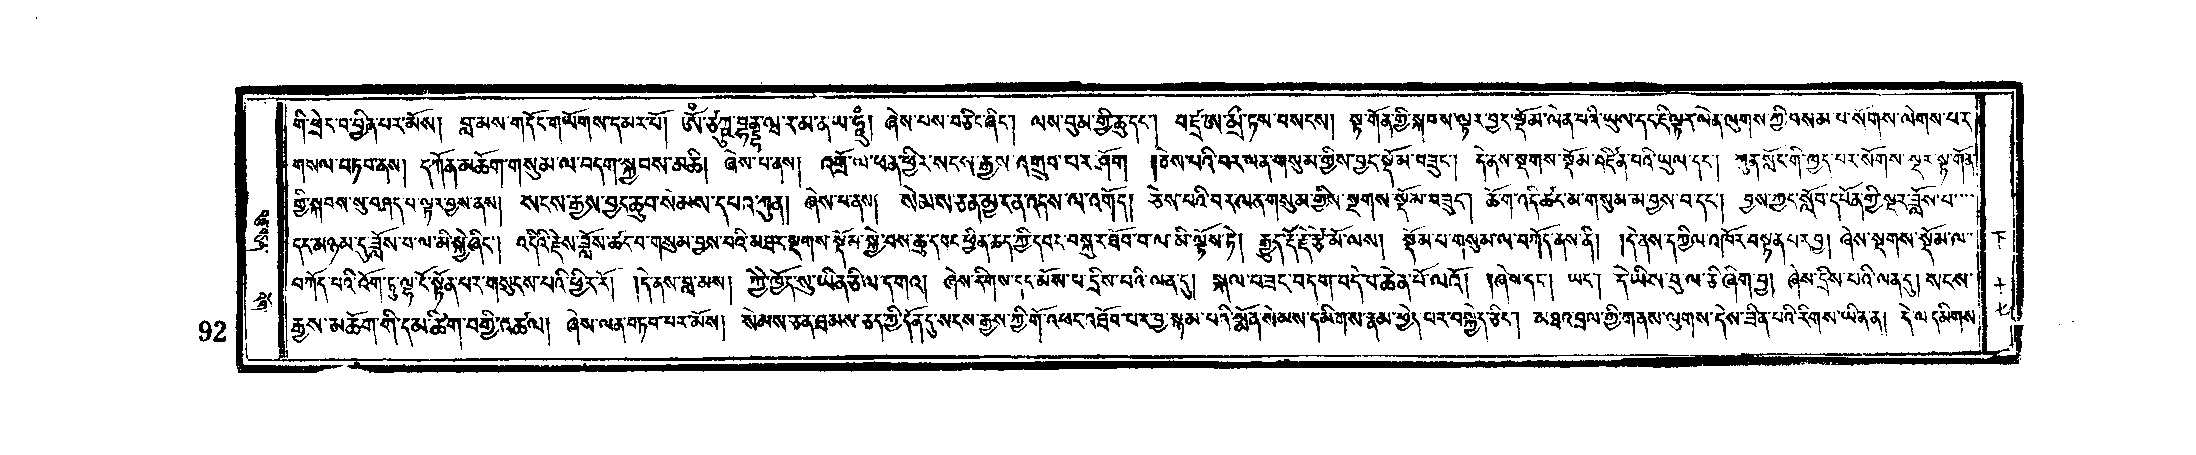གི་ཕྲེང་བ་བྱིན་པར་མོས། བླ་མས་གདོང་གཡོགས་དམར་པོ། ཨོཾ་ཙཀྵུ་བྷནྡྷ་ཝ་ར་མ་ན་ཡ་ཧཱུཾ། ཞེས་པས་བཅིང་ཞིང་། ལས་བུམ་གྱི་ཆུ་དང་། བཛྲ་ཨ་མྲྀ་ཏས་བསངས། སྟ་གོན་གྱི་སྐབས་ལྟར་བྱང་སྡོམ་ལེན་པའི་ཡུལ་དང་ཇི་ལྟར་ལེན་ལུགས་ཀྱི་བསམ་པ་སོགས་ལེགས་པར་
གསལ་བཏབ་ནས། དཀོན་མཆོག་གསུམ་ལ་བདག་སྐྱབས་མཆི། ཞེས་པ་ནས། འགྲོ་ལ་ཕན་ཕྱིར་སངས་རྒྱས་འགྲུབ་པར་ཤོག །ཅེས་པའི་བར་ལན་གསུམ་གྱིས་བྱང་སྡོམ་བཟུང་། དེ་ནས་སྔགས་སྡོམ་འཛིན་པའི་ཡུལ་དང་། ཀུན་སློང་གི་ཁྱད་པར་སོགས་སྔར་སྟ་གོན་
གྱི་སྐབས་སུ་བཤད་པ་ལྟར་བྱས་ནས། སངས་རྒྱས་བྱང་ཆུབ་སེམས་དཔའ་ཀུན། ཞེས་པ་ནས། སེམས་ཅན་མྱ་ངན་འདས་ལ་འགོད། ཅེས་པའི་བར་ལན་གསུམ་གྱིས་སྔགས་སྡོམ་བཟུང་། ཆོ་ག་འདི་ཚང་མ་གསུམ་མ་བྱས་པ་དང་། བྱས་ཀྱང་སློབ་དཔོན་གྱི་སྔར་ཟློས་པ་
དང་མཉམ་དུ་ཟློས་པ་ལ་མི་སྐྱེ་ཞིང་། འདིའི་རྗེས་ཟློས་ཚང་བ་གསུམ་བྱས་པའི་མཐར་སྔགས་སྡོམ་སྐྱེ་བས་ཆུ་དབང་ཕྱིན་ཆད་ཀྱི་དབང་བསྐུར་ཐོབ་པ་ལ་མི་ལྟོས་ཏེ། རྒྱུད་རྡོ་རྗེ་རྩེ་མོ་ལས། སྡོམ་པ་གསུམ་ལ་བཀོད་ནས་ནི། །དེ་ནས་དཀྱིལ་འཁོར་བསྟན་པར་བྱ། ཞེས་སྔགས་སྡོམ་ལ་
བཀོད་པའི་འོག་ཏུ་ལྷ་ངོ་སྟོན་པར་གསུངས་པའི་ཕྱིར་རོ། །དེ་ནས་བླ་མས། ཀྱཻ་ཁྱོད་སུ་ཡིན་ཅི་ལ་དགའ། ཞེས་རིགས་དང་མོས་པ་དྲིས་པའི་ལན་དུ། སྐལ་བཟང་བདག་བདེ་བ་ཆེན་པོ་ལའོ། །ཞེས་དང་། ཡང་། དེ་ཡིས་བུ་ལ་ཅི་ཞིག་བྱ། ཞེས་དྲིས་པའི་ལན་དུ། སངས་
རྒྱས་མཆོག་གི་དམ་ཚིག་བགྱི་འཚལ། ཞེས་ལན་བཏབ་པར་མོས། སེམས་ཅན་ཐམས་ཅད་ཀྱི་དོན་དུ་སངས་རྒྱས་ཀྱི་གོ་འཕང་འཐོབ་པར་བྱ་སྙམ་པའི་སྨོན་སེམས་དམིགས་རྣམ་ཕྱེད་པར་བསྐྱེད་ཅིང་། མཐའ་བྲལ་གྱི་གནས་ལུགས་དེས་ཟིན་པའི་རིགས་ཡིན་ན། དེ་ལ་དམིགས་